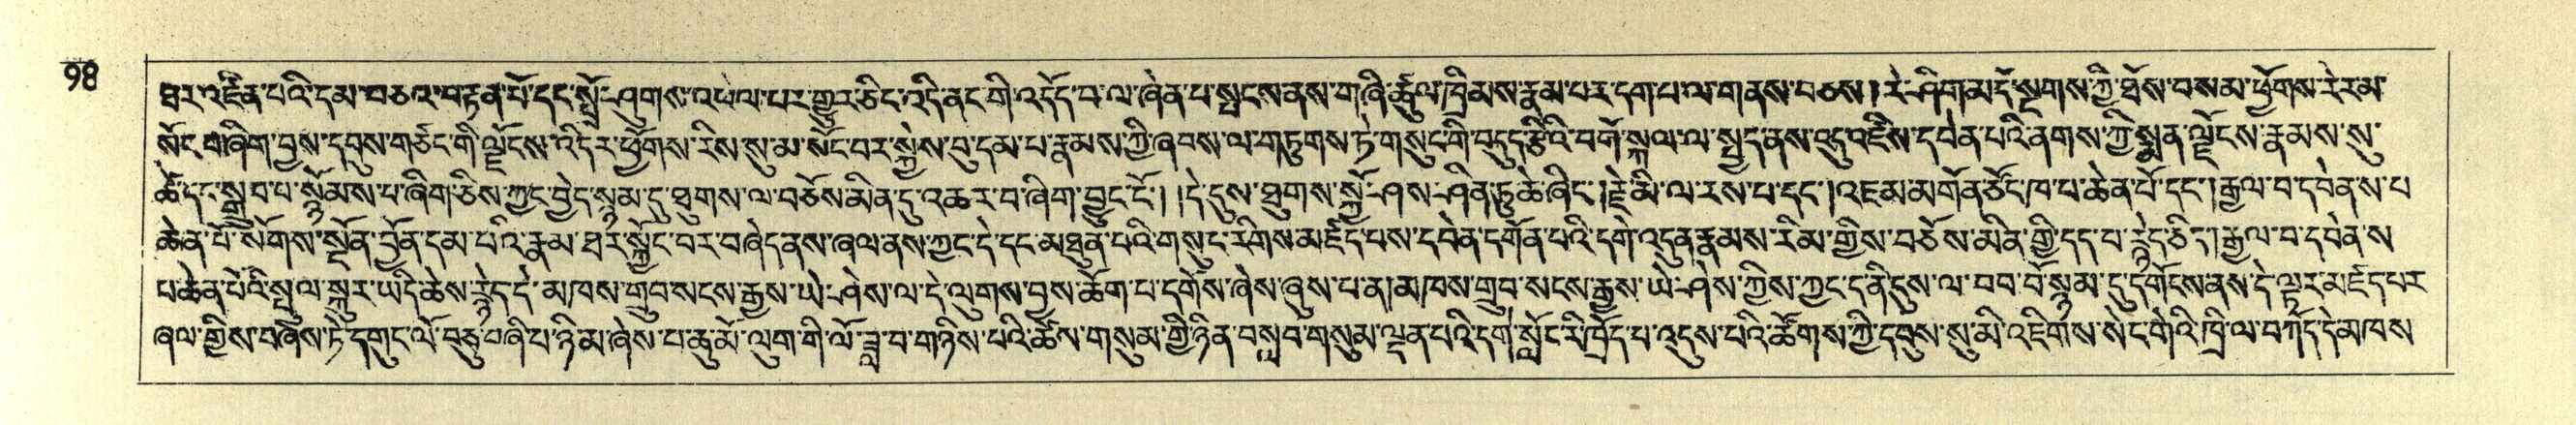ཐར་འཛིན་པའི་དམ་བཅའ་བརྟན་པོ་དང་སྤྲོ་ཤུགས་འཕེལ་པར་གྱུར་ཅིང་འདི་ནང་གི་འདོད་པ་ལ་ཞེན་པ་སྤངས་ནས་གཞི་ཚུལ་ཁྲིམས་རྣམ་པར་དག་པ་ལ་གནས་བཅས་།རེ་ཤིག་མདོ་སྔགས་ཀྱི་ཐོས་བསམ་ཕྱོགས་རེ་རམ་
སོང་བ་ཞིག་བྱས་དབུས་གཙང་གི་ལྗོངས་འདིར་ཕྱོགས་རིས་སུ་མ་སོང་བར་སྐྱེས་བུ་དམ་པ་རྣམས་ཀྱི་ཞབས་ལ་གཏུགས་ཏེ་གསུང་གི་བདུད་རྩིའི་བགོ་སྐལ་ལ་སྤྱད་ནས་འདུ་འཛིས་དབེན་པའི་ནགས་ཀྱི་སྨན་ལྗོངས་རྣམས་སུ་
ཚེ་དང་སྒྲུབ་པ་སྙོམས་པ་ཞིག་ཅིས་ཀྱང་བྱེད་སྙམ་དུ་ཐུགས་ལ་བཅོས་མིན་དུ་འཆར་བ་ཞིག་བྱུང་ངོ། །དེ་དུས་ཐུགས་སྐྱོ་ཤས་ཤིན་ཏུ་ཆེ་ཞིང་།རྗེ་མི་ལ་རས་པ་དང་། འཇམ་མགོན་ཙོང་ཁ་པ་ཆེན་པོ་དང་། རྒྱལ་བ་དབེན་ས་པ་
ཆེན་པོ་སོགས་སྔོན་བྱོན་དམ་པའི་རྣམ་ཐར་སྐྱོང་བར་བཞེད་ནས་ཞལ་ནས་ཀྱང་དེ་དང་མཐུན་པའི་གསུང་རིགས་མཛད་པས་དབེན་དགོན་པའི་དགེ་འདུན་རྣམས་རིམ་གྱིས་བཅོས་མིན་གྱི་དད་པ་རྙེད་ཅིང་། རྒྱལ་བ་དབེན་ས་
པ་ཆེན་པོའི་སྤྲུལ་སྐུར་ཡིད་ཆེས་རྙེད་དེ་མཁས་གྲུབ་སངས་རྒྱས་ཡེ་ཤེས་ལ་དེ་ལུགས་བྱས་ཆོག་པ་དགོས་ཞེས་ཞུས་པ་ན། མཁས་གྲུབ་སངས་རྒྱས་ཡེ་ཤེས་ཀྱིས་ཀྱང་ད་ནི་དུས་ལ་བབ་བོ་སྙམ་དུ་དགོངས་ནས་དེ་ལྟར་མཛད་པར་
ཞལ་གྱིས་བཞེས་ཏེ་དགུང་ལོ་བཅུ་བཞི་པ་ཉི་མ་ཞེས་པ་ཆུ་མོ་ལུག་གི་ལོ་ཟླ་བ་གཉིས་པའི་ཚེས་གསུམ་གྱི་ཉིན་བསླབ་གསུམ་ལྡན་པའི་དགེ་སློང་རི་ཁྲོད་པ་འདུས་པའི་ཚོགས་ཀྱི་དབུས་སུ་མི་འཇིགས་སེང་གེའི་ཁྲི་ལ་བཀོད་དེ་མཁས་